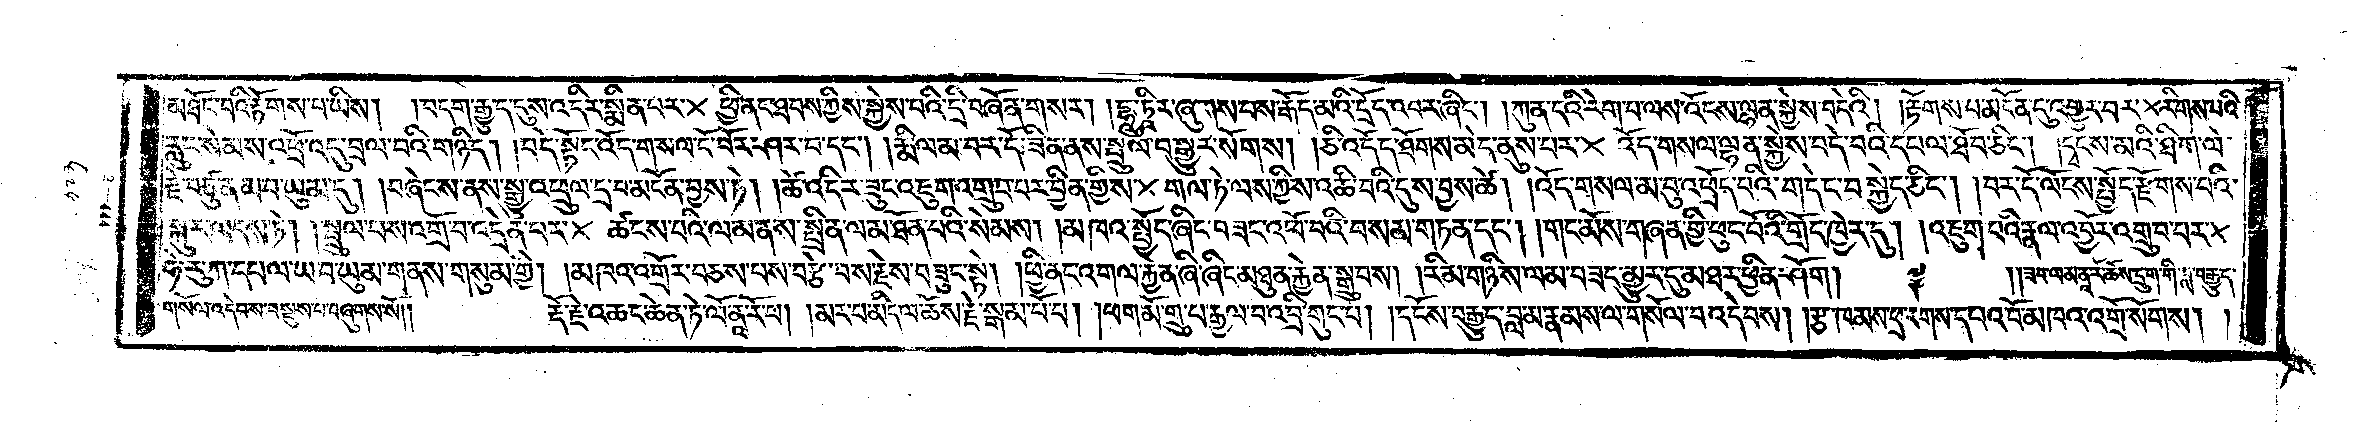མཐོང་པའི་རྟོགས་པ་ཡིས། །བདག་རྒྱུད་དུས་འདིར་སྨིན་པར་྾་ཕྱི་ནང་ཐབས་ཀྱིས་སྐྱེས་པའི་དྲི་བཞོན་གསར། །དྷཱུ་ཏཱིར་ཞུགས་པས་རྒོད་མའི་དྲོད་འབར་ཞིང་། །ཀུན་དའི་རེག་པ་ལས་འོངས་ལྷན་སྐྱེས་བདེའི། །རྟོགས་པ་མངོན་དུ་འགྱུར་བར་྾་རིགས་པའི་
རླུང་སེམས་འཕྲོ་འདུ་བྲལ་བའི་གཉིད། །བདེ་སྟོང་འོད་གསལ་ངོ་བོར་ཤར་བ་དང་། །རྨི་ལམ་བར་དོ་ཟིན་ནས་སྤྲུལ་བསྒྱུར་སོགས། །ཅི་འདོད་ཐོགས་མེད་ནུས་པར་྾་འོད་གསལ་ལྷན་སྐྱེས་བདེ་བའི་དཔལ་ཐོབ་ཅིང་། །དྭངས་མའི་ཐིག་ལེ་
རྗེ་བཙུན་ཡབ་ཡུམ་དུ། །བཞེངས་ནས་སྒྱུ་འཕྲུལ་དྲ་བ་མངོན་བྱས་ཏེ། །ཚེ་འདིར་ཟུང་འཇུག་འགྲུབ་པར་བྱིན་གྱིས་྾་གལ་ཏེ་ལས་ཀྱིས་འཆི་བའི་དུས་བྱས་ཚེ། །འོད་གསལ་མ་བུ་འཕྲོད་བའི་གདེང་བསྐྱེད་ཅིང་། །བར་དོ་ལོངས་སྤྱོད་རྫོགས་པའི་
སྐུར་ལངས་ཏེ། །སྤྲུལ་པས་འགྲོ་བ་འདྲེན་པར་྾་ཚངས་བའི་ལམ་ནས་སྤྲིན་ལམ་ཐོན་པའི་སེམས། །མཁའ་སྤྱོད་ཞིང་བཟང་འཕོ་བའི་བསམ་གཏན་དང་། །གང་མོས་གཞན་གྱི་ཕུང་པོའི་གྲོང་ཁྱེར་དུ། །འཇུག་པའི་རྣལ་འབྱོར་འགྲུབ་པར་྾་
ཧེ་རུ་ཀ་དཔལ་ཡབ་ཡུམ་གནས་གསུམ་གྱི། །མཁའ་འགྲོར་བཅས་བས་བརྩེ་བས་རྗེས་བཟུང་སྟེ། །ཕྱི་ནང་འགལ་རྐྱེན་ཞི་ཞིང་མཐུན་རྐྱེན་སྒྲུབས། །རིམ་གཉིས་ལམ་བཟང་མྱུར་དུ་མཐར་ཕྱིན་ཤོག ། ༈ །།ཟབ་ལམ་ནཱ་རོ་ཆོས་དྲུག་གི་བླ་བརྒྱུད་
གསོལ་འདེབས་བསྡུས་པ་བཞུགས་སོ།། རྡོ་རྗེ་འཆང་ཆེན་ཏེ་ལོ་ནཱ་རོ་པ། །མར་པ་མིད་ལ་ཆོས་རྗེ་སྒམ་པོ་པ། །ཕག་མོ་གྲུབ་པ་རྒྱལ་བ་འབྲི་གུང་པ། །དངོས་བརྒྱུད་བླ་མ་རྣམས་ལ་གསོལ་བ་འདེབས། །རྩ་ཁམས་ཕྲ་རགས་དཔའ་བོ་མཁའ་འགྲོ་སོགས། །